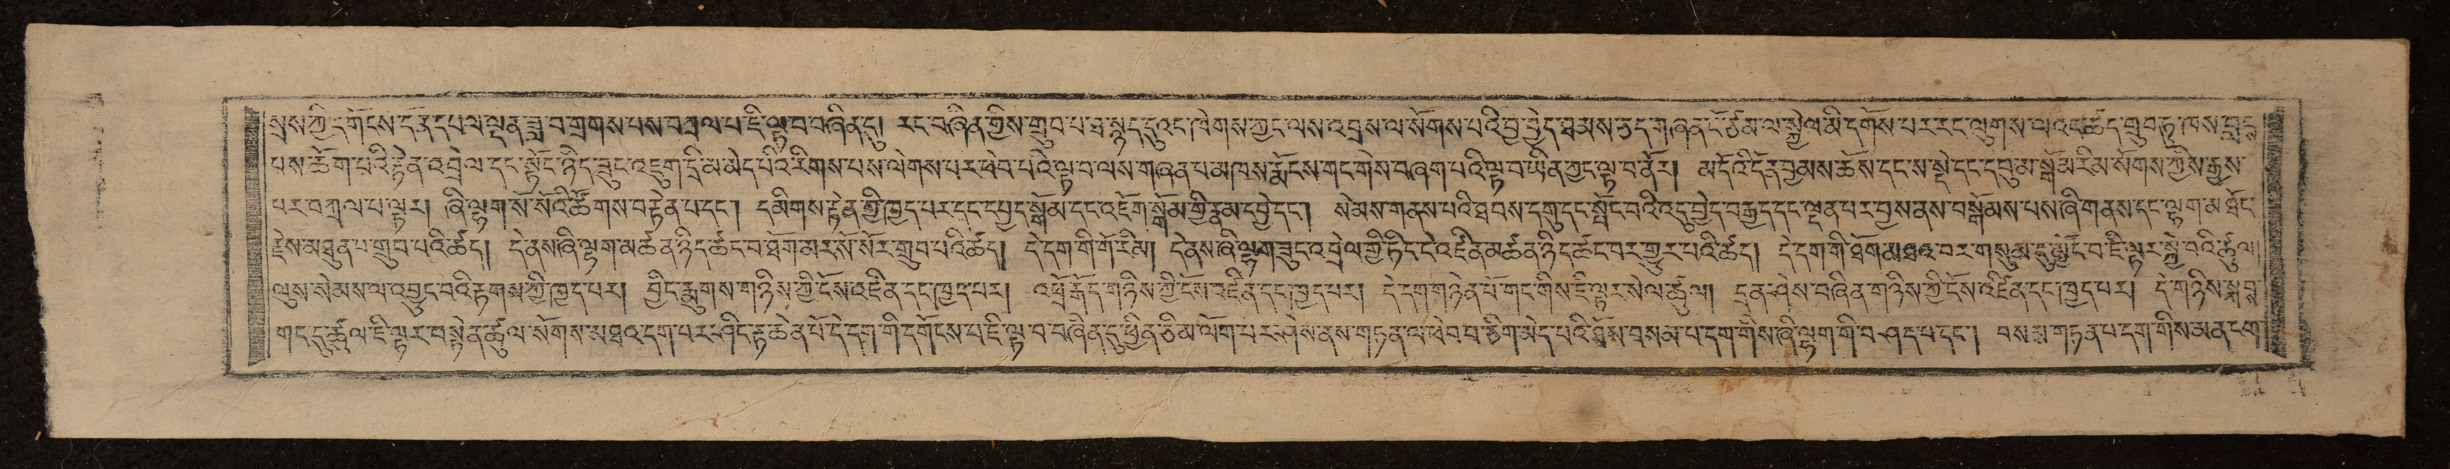སྲས་ཀྱི་དགོངས་དོན་དཔལ་ལྡན་ཟླ་བ་གྲགས་པས་བཀྲལ་བ་ཇི་ལྟ་བ་བཞིན་དུ། རང་བཞིན་གྱིས་གྲུབ་པ་ཐ་སྙད་དུའང་ཁེགས་ཀྱང་ལས་འབྲས་ལ་སོགས་པའི་བྱ་བྱེད་ཐམས་ཅད་གཞན་ངོ་ཙམ་ལ་སྐྱེ་ལ་མི་དགོས་པར་རང་ལུགས་ལའང་ཚད་གྲུབ་ཏུ་ཁས་བླངས་
པས་ཆོག་པའི་རྟེན་འབྲེལ་དང་སྟོང་ཉིད་ཟུང་འཇུག་དྲི་མ་མེད་པའི་རིགས་པས་ལེགས་པར་ཕེབ་པའི་ལྟ་བ་ལས་གཞན་པ་མཁས་རྨོངས་གང་གིས་བཞག་པའི་ལྟ་བ་ཡིན་ཀྱང་ལྟ་བ་ནོར། མདོའི་དོན་བྱམས་ཆོས་དང་ས་སྡེ་དང་དབུ་མ་སྒོམ་རིམ་སོགས་ཀྱིས་རྒྱས་
པར་འགྲལ་བ་ལྟར། ཞི་ལྷག་སོ་སོའི་ཚོགས་བརྟེན་པ་དང་། དམིགས་རྟེན་གྱི་ཁྱད་པར་དང་དབྱད་སྒོམ་དང་འཇོག་སྒོམ་གྱི་རྣམ་དབྱེ་དང་། སེམས་གནས་པའི་ཐབས་དགུ་དང་སྤོང་བའི་འདུ་བྱེད་བརྒྱད་དང་ལྡན་པར་བྱས་ནས་བསྒོམས་པས་ཞི་གནས་དང་ལྷག་མཐོང་
རྗེས་མཐུན་པ་གྲུབ་པའི་ཚད། དེ་ནས་ཞི་ལྷག་མཚན་ཉིད་ཚང་བ་ཐོག་མར་སོ་སོར་གྲུབ་པའི་ཚད། དེ་དག་གི་གོ་རིམ། དེ་ནས་ཞི་ལྷག་ཟུང་འབྲེལ་གྱི་ཏིང་ངེ་འཛིན་མཚན་ཉིད་ཚང་བར་གྱུར་བའི་ཚད། དེ་དག་གི་ཐོག་མཐའ་བར་གསུམ་དུ་མྱོང་བ་ཇི་ལྟར་སྐྱེ་བའི་ཚུལ་
ལུས་སེམས་ལ་འབྱུང་བའི་རྟགས་ཀྱི་ཁྱད་པར། བྱིང་རྨུགས་གཉིས་ཀྱི་ངོས་འཛིན་དང་ཁྱད་པར། འཕྲོ་རྒོད་གཉིས་ཀྱི་ངོས་འཛིན་དང་ཁྱད་པར། དེ་དག་གཉེན་པོ་གང་གིས་ཇི་ལྟར་སེལ་ཚུལ། དྲན་ཤེས་བཞིན་གཉིས་ཀྱི་ངོས་འཛིན་དང་ཁྱད་པར། དེ་གཉིས་སྐབས་
གང་དུ་ཚུལ་ཇི་ལྟར་བསྟེན་ཚུལ་སོགས་མཐའ་དག་པར་ཤིང་རྟ་ཆེན་པོ་དེ་དག་གི་དགོངས་པ་ཇི་ལྟ་བ་བཞིན་དུ་ཕྱིན་ཅི་མ་ལོག་པར་ཤེས་ནས་གཏན་ལ་ཕེབ་བ་ཞིག་མེད་བའི་ཐོས་བསམ་བདག་གིས་ཞི་ལྷག་གི་བཤད་པ་དང་། བསམ་གཏན་བདག་གིས་མན་ངག་